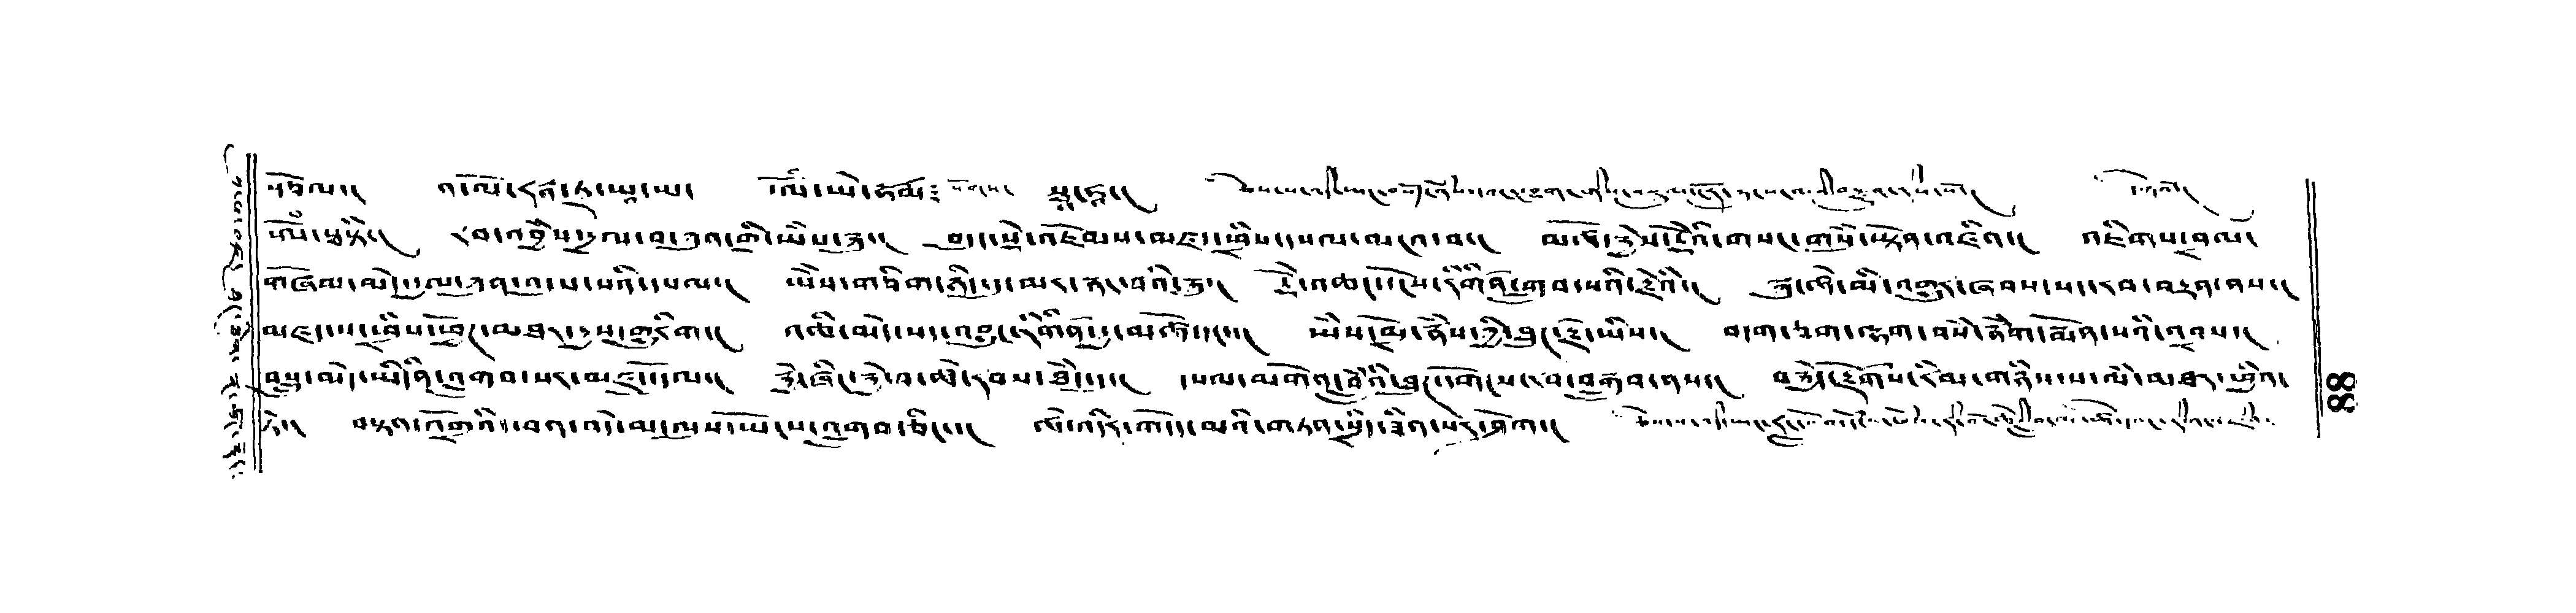སྩོལ། ན་མོ་རཏྣ་ཏྲ་ཡཱ་ཡ། ཨོཾ་ཡེ་དྷ་རྨ༴སོགས། སྭཱ་ཧཱ། ཅེས་པ་འདི་ཡང་བསོད་ནམས་དབང་ཕྱུག་གིས་བསྐུལ་ངོར་ཀུ་ས་ལིའི་བརྫུན་རིས་སོ།།དགེའོ། 
ཨོཾ་སྭ་སྟི། རབ་འབྱམས་རྒྱལ་བ་ཀུན་གྱི་ཡེ་ཤེས་སྐུ། །བདུད་སྡེ་འཇོམས་མཛད་ཕྲིན་ལས་དཔལ་མངའ་བ། །མཚོ་སྐྱེས་རྡོ་རྗེའི་གསང་གསུམ་ཡོན་ཏན་འཛིན། །འཇིགས་བྲལ་
གཞོམ་མེད་རྒྱལ་ཀུན་འདུས་པའི་དཔལ། །ཡེ་ཤེས་གཅིག་ཉིད་དུ་མར་སྣང་བའི་སྐུ། །རྡོ་རྗེ་འཆང་དངོས་རིག་འཛིན་གྲུབ་པའི་རྗེའི། །སྐུ་ཚེ་མི་འགྱུར་ཞབས་པད་རབ་བརྟན་ནས། །
མཛད་པ་ཕྲིན་ལས་ཕྱོགས་མཐར་རྒྱས་གྱུར་ཅིག །འཆི་མེད་པད་འབྱུང་རིག་འཛིན་རྒྱ་མཚོ་དང་། །ཡེ་ཤེས་མཁའ་འགྲོ་རྣམས་ཀྱི་ཐུགས་རྗེ་ཡིས། །བདག་ཅག་ལྷག་བསམ་རྣམ་དག་སྨོན་པའི་འབྲས། །
བསླུ་མེད་ཡིད་བཞིན་འགྲུབ་པར་མཛད་དུ་གསོལ། །སྐྱེ་ཞིང་སྐྱེ་བ་ཚེ་རབས་ཐམས་ཅད་དུ། །དཔལ་མགོན་བླ་མའི་ཐུགས་དགོངས་རབ་བསྒྲུབ་ནས། །བསྐྱེད་རྗོགས་རིམ་གཉིས་ས་ལམ་མཐར་ཕྱིན་
ཏེ། །བསྟན་འགྲོའི་ཕན་བདེ་མ་ལུས་ཡོངས་འགྲུབ་ཅིང་། །ཚེ་འདིར་གདོད་མའི་གཏན་སྲིད་ཟིན་པར་ཤོག ཅེས་པ་འདི་ཡང་རང་སློབ་དམ་པ་ཁམས་རི་བོ་ཆེའི་བླ་མ་ཚེ་དབང་རིག་འཛིན།་